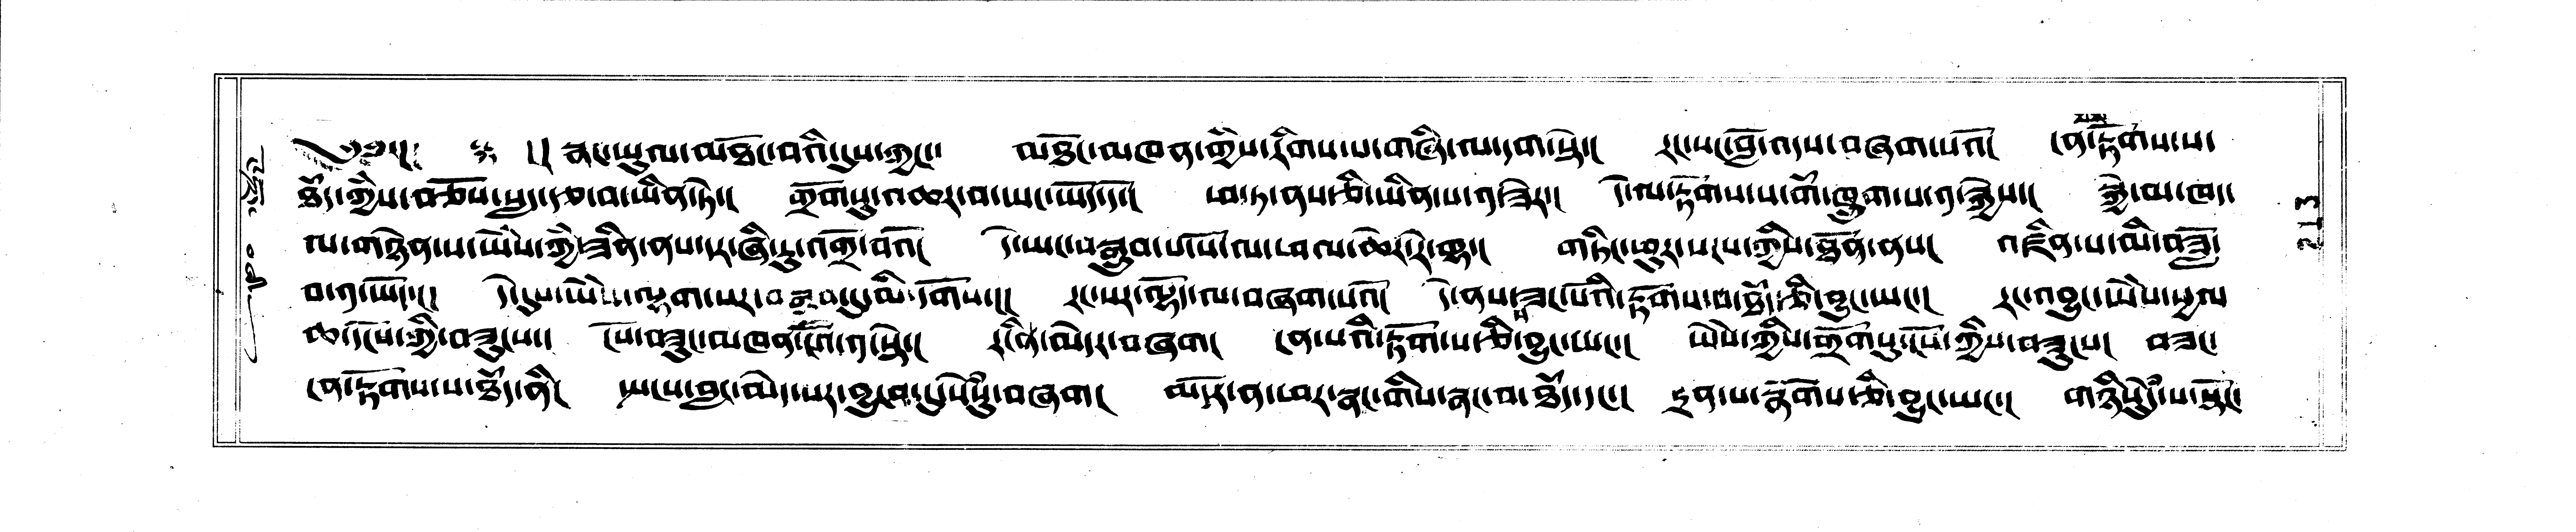སྣང་ཡུལ་དུ་མཐོང་བའི་དུས་ཀྱང་། མཐོང་མཁན་གྱིས་རིག་པ་གཞི་ལ་བཞག་སྟེ། རང་སར་བློ་འདས་སུ་བཞག་པའོ། ངན་པའི་རྟོག་པ་
ཐམས་ཅད་ཆོམ་སླ་བ་ཡིན་ཏེ། གྲོགས་སུ་འཆར་བ་ཡང་ཡོད་དོ། ཕ་སྟ་ན་རང་ལ་ཅི་མ་ཡིན་པ་ཞིག་ཟེར་། དེ་ལ་རྟོག་པ་གམ་འཁྲུག་པ་གཅིག་སྐྱེས། སྐྱེ་མ་ཁད་
ལ་གཉེན་པོ་ཡེ་ཤེས་ཀྱིས་ཟིན་ནས་རང་ཞི་རུ་འགྲོའོ། དེ་ཡང་བསྒྲུབ་པ་པོ་ཕལ་ཆེར་རེ་གྷས(འགས)། སྟེང་ཕུར་སངས་ཀྱིས་མི་ཐོན་ན། འཛིན་པ་མི་བདེ་
བ་ཡོད། དེ་དུས་གཡེ་”ཡེ་ཤེས”ལྷག་པར་བསྒྲིམ་”བསྒྲུབ”དུ་མི་དགོས། རང་སར་ཀློད་ལ་བཞག་པའོ། དེ་ནས་བཟང་པོའི་རྟོག་པ་ཐམས་ཅད་ཅི་བྱུང་ཡང་། རང་འབྱུང་ཡེ་ཤེས་གསལ་
འཆར་ངོས་ཀྱི་བཟུང་། ངོས་བཟུང་མཁན་ཀྱང་ངོའོ་གཅིག་སྟེ་རང་བཞིན་མེད་པར་བཞག ངན་པའི་རྟོག་པ་ཅི་བྱུང་ཡང་། ཡེ་ཤེས་ཀྱིས་གྲོགས་སུ་ངོས་ཀྱིས་བཟུངས། བཟང་
ངན་གྱིས་རྟོག་པ་ཐམས་ཅད་དེ། སྤང་བླང་མེད་པར་བྱང་ཆུབ་སེམས་སུ་བཞག མདོར་ན་ཕར་སྣང་གི་སྣང་བ་ཐམས་ཅད་དང་། དྲན་པ་སྣ་ཚོགས་ཅི་བྱུང་ཡང་། གཉིས་སུ་མེད་པར་སྟོང་